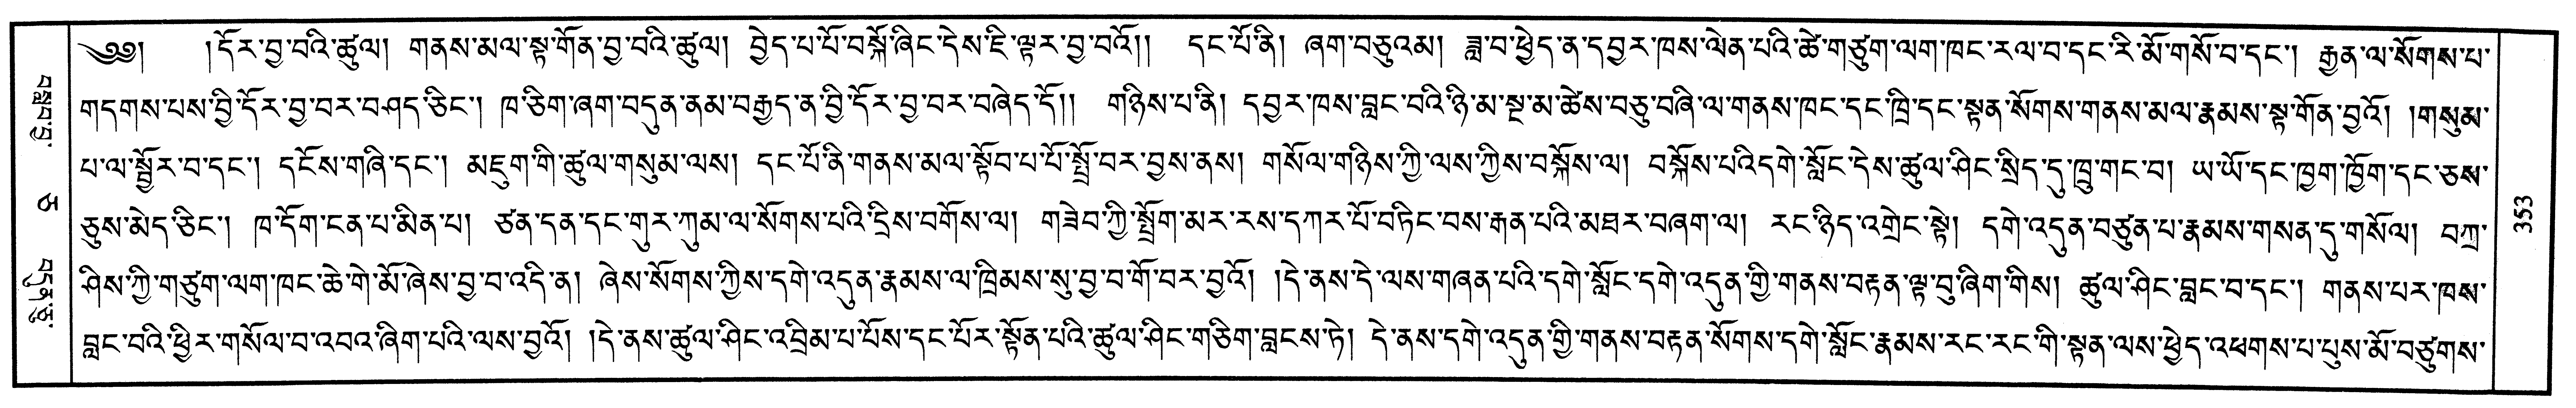༄༅། །དོར་བྱ་བའི་ཚུལ། གནས་མལ་སྟ་གོན་བྱ་བའི་ཚུལ། བྱེད་པ་པོ་བསྐོ་ཞིང་དེས་ཇི་ལྟར་བྱ་བའོ།། དང་པོ་ནི། ཞག་བཅུའམ། ཟླ་བ་ཕྱེད་ན་དབྱར་ཁས་ལེན་པའི་ཚེ་གཙུག་ལག་ཁང་རལ་བ་དང་རི་མོ་གསོ་བ་དང་། རྒྱན་ལ་སོགས་པ་
གདགས་པས་བྱི་དོར་བྱ་བར་བཤད་ཅིང་། ཁ་ཅིག་ཞག་བདུན་ནམ་བརྒྱད་ན་བྱི་དོར་བྱ་བར་བཞེད་དོ།། གཉིས་པ་ནི། དབྱར་ཁས་བླང་བའི་ཉི་མ་སྔ་མ་ཚེས་བཅུ་བཞི་ལ་གནས་ཁང་དང་ཁྲི་དང་སྟན་སོགས་གནས་མལ་རྣམས་སྟ་གོན་བྱའོ། །གསུམ་
པ་ལ་སྦྱོར་བ་དང་། དངོས་གཞི་དང་། མཇུག་གི་ཚུལ་གསུམ་ལས། དང་པོ་ནི་གནས་མལ་སྟོབ་པ་པོ་སྤྲོ་བར་བྱས་ནས། གསོལ་གཉིས་ཀྱི་ལས་ཀྱིས་བསྐོས་ལ། བསྐོས་པའི་དགེ་སློང་དེས་ཚུལ་ཤིང་སྲིད་དུ་ཁྲུ་གང་བ། ཡ་ཡོ་དང་ཁྱག་ཁྱོག་དང་ཅས་
ཅུས་མེད་ཅིང་། ཁ་དོག་ངན་པ་མིན་པ། ཙན་དན་དང་གུར་ཀུན་ལ་སོགས་པའི་དྲིས་བགོས་ལ། གཟེབ་ཀྱི་སྤྲོག་མར་རས་དཀར་པོ་བཏིང་བས་རྒན་པའི་མཐར་བཞག་ལ། རང་ཉིད་འགྲེང་སྟེ། དགེ་འདུན་བཙུན་པ་རྣམས་གསན་དུ་གསོལ། བཀྲ་
ཤིས་ཀྱི་གཙུག་ལག་ཁང་ཆེ་གེ་མོ་ཞེས་བྱ་བ་འདི་ན། ཞེས་སོགས་ཀྱིས་དགེ་འདུན་རྣམས་ལ་ཁྲིམས་སུ་བྱ་བ་གོ་བར་བྱའོ། །དེ་ནས་དེ་ལས་གཞན་པའི་དགེ་སློང་དགེ་འདུན་གྱི་གནས་བརྟན་ལྟ་བུ་ཞིག་གིས། ཚུལ་ཤིང་བླང་བ་དང་། གནས་པར་ཁས་
བླང་བའི་ཕྱིར་གསོལ་བ་འབའ་ཞིག་པའི་ལས་བྱའོ། །དེ་ནས་ཚུལ་ཤིང་འབྲིམ་པ་པོས་དང་པོར་སྟོན་པའི་ཚུལ་ཤིང་གཅིག་བླངས་ཏེ། དེ་ནས་དགེ་འདུན་གྱི་གནས་བརྟན་སོགས་དགེ་སློང་རྣམས་རང་རང་གི་སྟན་ལས་ཕྱེད་འཕགས་པ་པུས་མོ་བཙུགས་